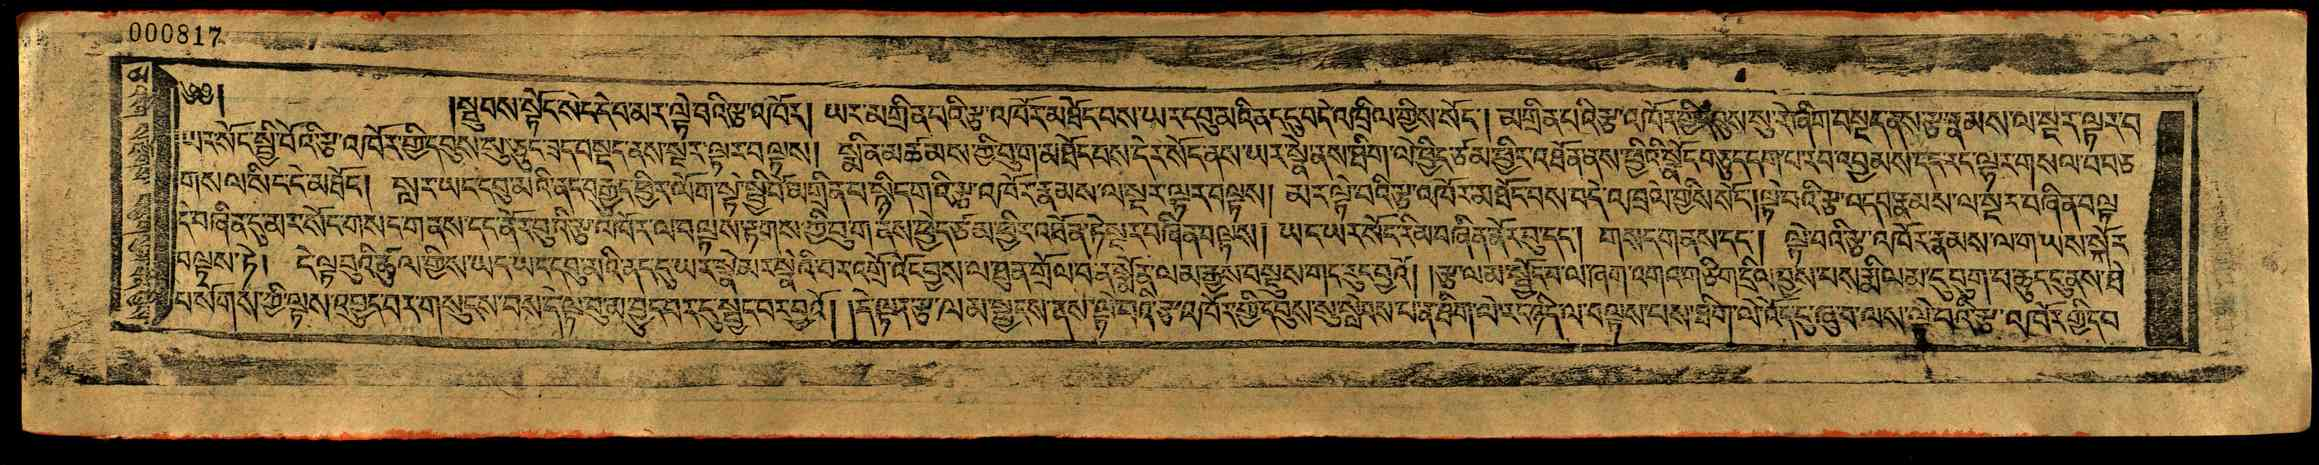༄༅། །སྦུབས་སྟོང་སེང་དབུ་མར་ལྟེ་བའི་རྩ་འཁོར། ཡང་མགྲིན་པའི་རྩ་འཁོར་མཐོང་བས་ཡར་དབུ་མའི་ནང་དུ་བདེ་འཁྲིལ་གྱིས་སོང་། མགྲིན་པའི་རྩ་འཁོར་གྱི་དབུས་སུ་རེ་ཞིག་བསྡད་ནས་རྩ་རྣམས་ལ་སྔར་ལྟར་བལྟས།
ཡར་སོང་སྤྱི་བོའི་རྩ་འཁོར་གྱི་དབུས་སུ་ཅུང་ཟད་བསྡད་ནས་སྔར་ལྟར་བལྟས། སྨིན་མཚམས་ཀྱི་བུ་ག་མཐོང་བས་དེར་སོང་ནས་ཡར་སྣེ་ནས་ཐིག་ལེ་ཕྱེད་ཙམ་ཕྱིར་འཐོན་ནས་ཕྱིའི་སྣོད་བཅུད་དག་པ་རབ་འབྱམས་དང་རང་ལྷར་གསལ་བ་བཅས་?
གསལ་སིང་ངེ་མཐོང་། སླར་ཡང་དབུ་མའི་ནང་བརྒྱུད་ཕྱིར་ལོག་སྟེ་སྤྱི་བོ་མགྲིན་པ་སྙིང་གའི་རྩ་འཁོར་རྣམས་ལ་སྔར་ལྟར་བལྟས། མར་ལྟེ་བའི་རྩ་འཁོར་མཐོང་བས་བདེ་འཁྲིལ་གྱིས་སོང་། ལྟེ་བའི་རྩ་འདབ་རྣམས་ལ་སྔར་བཞིན་བལྟས།
དེ་བཞིན་དུ་མར་སོང་གསང་གནས་དང་ནོར་བུའི་རྩ་འཁོར་ལ་བལྟས་རྟགས་ཀྱི་བུ་ག་ནས་ཕྱེད་ཙམ་ཕྱིར་འཐོན་ཏེ་སྔར་བཞིན་བལྟས། ཡང་ཡར་སོང་རིམ་བཞིན་ནོར་བུ་དང་། གསང་གནས་དང་། ལྟེ་བའི་རྩ་འཁོར་རྣམས་ལ་གཡས་སྐོར་དུ་
བལྟས་ཏེ། དེ་ལྟ་བུའི་ཚུལ་གྱིས་ཡང་ཡང་དབུ་མའི་ནང་དུ་ཡར་སྣེ་མར་སྣེའི་བར་འགྲོ་འོང་བྱས་ལ་ཐུན་གྲོལ་བ་ན་སྨོན་ལམ་རྒྱས་བསྡུས་གང་རུང་བྱའོ། །རྩ་ལམ་སྦྱོང་བ་ལ་ཞག་འགའ་གཅིག་དྲིལ་བྱས་པས་རྨི་ལམ་དུ་བུག་པ་ཆུང་དུ་ནས་ཐོན་
པ་སོགས་ཀྱི་ལྟས་འབྱུང་བར་གསུངས་པས་དེ་ལྟ་བུ་མ་བྱུང་བར་དུ་སྦྱད་བར་བྱའོ། །དེ་ལྟར་རྩ་ལམ་སྦྱངས་ནས་ལྟེ་བའི་རྩ་འཁོར་གྱི་དབུས་སུ་སླེབས་པ་ན་ཐིག་ལེ་རང་ཉིད་ལ་བལྟས་པས་ཐིག་ལེ་འོད་དུ་ཞུ་བ་ལས་ལྟེ་བའི་རྩ་འཁོར་གྱི་དབུ་མའི་